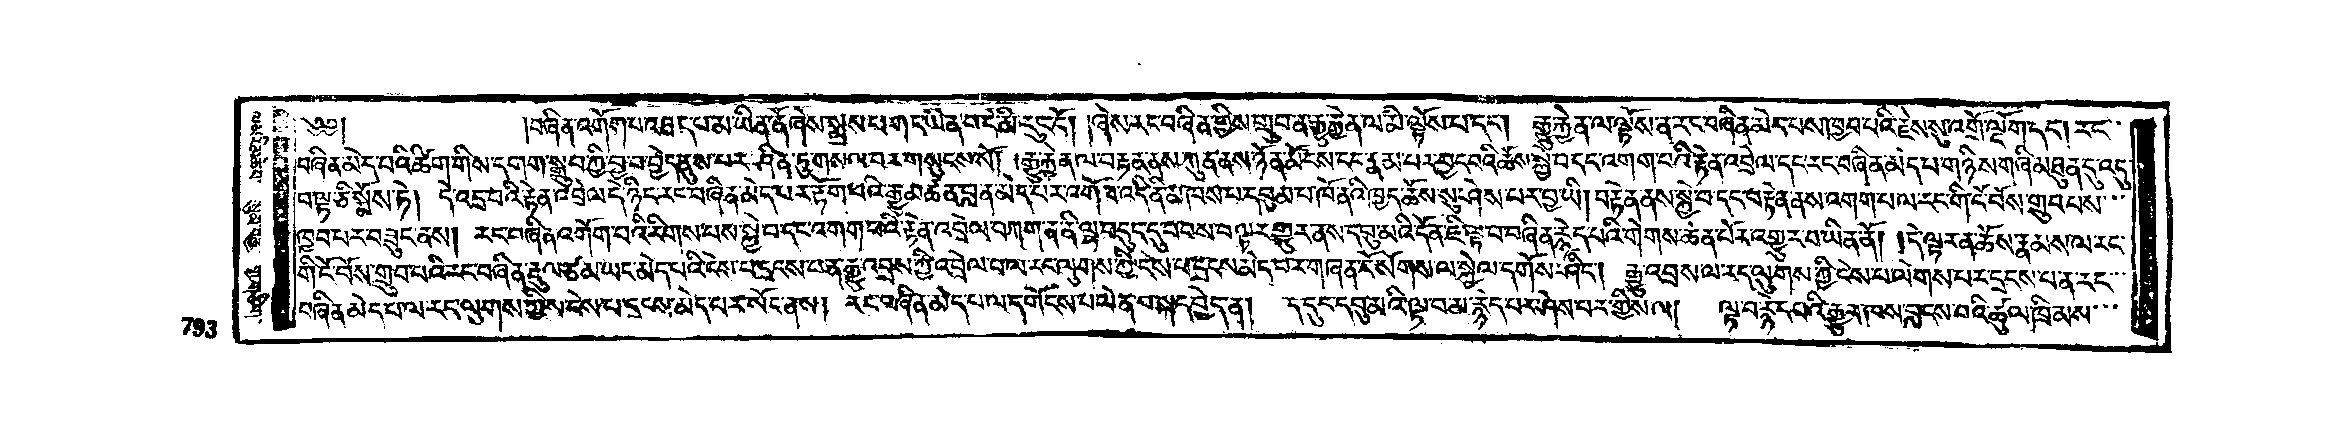༄༅། །བཞིན་འགོག་པ་འཐད་པ་མ་ཡིན་ནོ་ཞེས་སྨྲས་པ་གང་ཡིན་པ་དེ་མི་རུང་ངོ། །ཞེས་རང་བཞིན་གྱིས་གྲུབ་ན་རྒྱུ་རྐྱེན་ལ་མི་ལྟོས་པ་དང་། རྒྱུ་རྐྱེན་ལ་ལྟོས་ན་རང་བཞིན་མེད་པས་ཁྱབ་པའི་རྗེས་སུ་འགྲོ་ལྡོག་དང་། རང་
བཞིན་མེད་པའི་ཚིག་གིས་དགག་སྒྲུབ་ཀྱི་བྱ་བ་བྱེད་ནུས་པར་ཤིན་ཏུ་གསལ་བར་གསུངས་སོ། །རྒྱུ་རྐྱེན་ལ་བརྟེན་ནས་ཀུན་ནས་ཉོན་མོངས་དང་རྣམ་པར་བྱང་བའི་ཆོས་སྐྱེ་བ་དང་འགག་པའི་རྟེན་འབྲེལ་དང་རང་བཞིན་མེད་པ་གཉིས་གཞི་མཐུན་དུ་འདུ་
བ་ལྟ་ཅི་སྨོས་ཏེ། དེ་འདྲ་བའི་རྟེན་འབྲེལ་དེ་ཉིད་རང་བཞིན་མེད་པར་རྟོགས་པའི་རྒྱུ་མཚན་བླ་ན་མེད་པར་འགྲོ་བ་འདི་ནི་མཁས་པ་དབུ་མ་པ་ཁོ་ནའི་ཁྱད་ཆོས་སུ་ཤེས་པར་བྱ་ཡི། བརྟེན་ནས་སྐྱེ་བ་དང་བརྟེན་ནས་འགག་པ་ལ་རང་གི་ངོ་བོས་གྲུབ་པས་
ཁྱབ་པར་བཟུང་ནས། རང་བཞིན་འགོག་པའི་རིགས་པས་སྐྱེ་བ་དང་འགག་པའི་རྟེན་འབྲེལ་བཀག་ན་ནི་ལྷ་བདུད་དུ་བབས་པ་ལྟར་གྱུར་ནས་དབུ་མའི་དོན་ཇི་ལྟ་བ་བཞིན་རྙེད་པའི་གེགས་ཆེན་པོར་འགྱུར་པ་ཡིན་ནོ། །དེ་ལྟར་ན་ཆོས་རྣམས་ལ་རང་
གི་ངོ་བོས་གྲུབ་པའི་རང་བཞིན་རྡུལ་ཙམ་ཡང་མེད་པའི་ངེས་པ་དྲངས་པ་ན་རྒྱུ་འབྲས་ཀྱི་འབྲེལ་པ་ལ་རང་ལུགས་ཀྱི་ངེས་པ་དྲངས་མེད་པར་གཞན་ངོ་སོགས་ལ་སྐྱེལ་དགོས་ཤིང་། རྒྱུ་འབྲས་ལ་རང་ལུགས་ཀྱི་ངེས་པ་ལེགས་པར་དྲངས་པ་ན་རང་
བཞིན་མེད་པ་ལ་རང་ལུགས་ཀྱིས་ངེས་པ་དྲངས་མེད་པར་སོང་ནས། རང་བཞིན་མེད་པ་ལ་དགོངས་པ་ལེན་པ་སྐད་བྱེད་ན། ད་དུང་དབུ་མའི་ལྟ་བ་མ་རྙེད་པར་ཤེས་པར་གྱིས་ལ། ལྟ་བ་རྙེད་པའི་རྒྱུར་ཁས་བླངས་པའི་ཚུལ་ཁྲིམས་